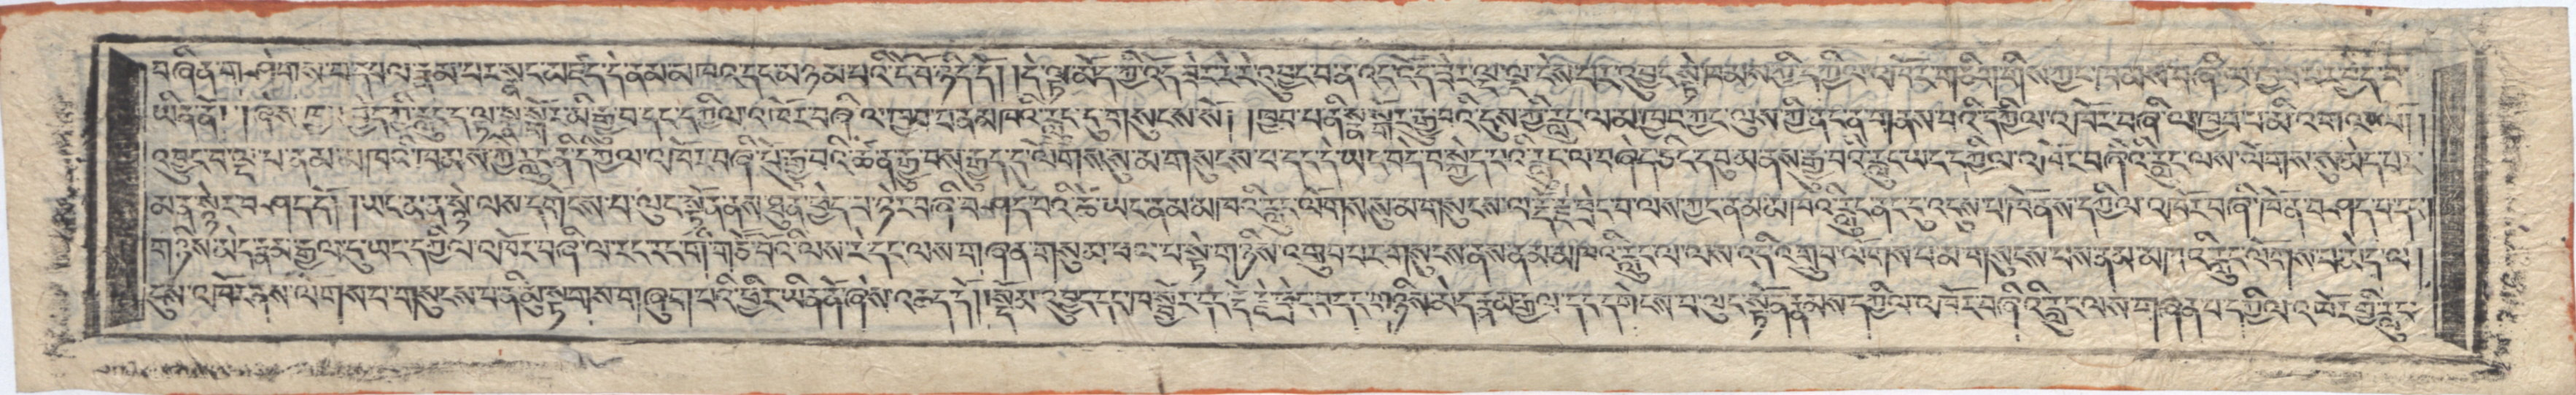བཞིན་གཤེགས་པ་དཔལ་རྣམ་པར་སྣང་མཛད་དེ་ནམ་མཁའ་དང་མཉམ་པའི་ངོ་བོ་ཉིད་དོ། །དེ་ལྟ་མོད་ཀྱི་འོད་ཟེར་རེ་རེ་འབྱུང་བ་ན་འང་འོད་ཟེར་ལྔ་ལྔ་ངེས་པར་འབྱུང་སྟེ་ཁམས་ཀྱི་དཀྱིལ་འཁོར་གཅིག་གིས་ཀྱང་ཁམས་བཞི་ལ་ཁྱབ་པར་བྱེད་པ་
ཡིན་ནོ། །ཞེས་ཁྱབ་བྱེད་ཀྱི་རླུང་ད་ལྟ་སྣ་སྒོར་མི་རྒྱུ་བ་དང་དཀྱིལ་འཁོར་བཞི་ལ་ཁྱབ་པ་ནམ་མཁའི་རླུང་དུ་གསུངས་སོ། །ཁྱབ་པ་ནི་སྣ་སྒོར་རྒྱུ་བའི་དུས་ཀྱི་རླུང་ལ་མ་ཁྱབ་ཀྱང་ལུས་ཀྱི་ནང་ན་གནས་པའི་དཀྱིལ་འཁོར་བཞི་ལ་ཁྱབ་པ་མི་འགལ་ལོ། །
འབྱུང་བ་ལྔ་པ་ནམ་མཁའི་ཁམས་ཀྱི་རླུང་ནི་དཀྱིལ་འཁོར་བཞི་པོ་རྒྱུ་བའི་ཚེ་ན་རྒྱུ་བས་རྒྱུད་དུ་ལོགས་སུ་མ་གསུངས་པ་དང་དེ་ཡང་བདེ་བ་སྐྱེད་པའི་རླུང་ལ་བཞེད་ཅིང་དབུ་མ་ནས་རྒྱུ་བའི་རླུང་ཡང་དཀྱིལ་འཁོར་བཞིའི་རླུང་ལས་ལོགས་སུ་མེད་པར་
མན་སྙེར་བཤད་དོ། །ཡང་མན་སྙེ་ལས་དགོངས་པ་ལུང་སྟོན་ནས་ཐུན་ཕྱེད་པ་ཉེར་བཞི་བཤད་པའི་ཚེ་ཡང་ནམ་མཁའི་རླུང་ལོགས་སུ་མ་གསུངས་ལ་རྡོ་རྗེ་ཕྲེང་བ་ལས་ཀྱང་ནམ་མཁའི་རླུང་ནང་དུ་འདུས་པ་ཁོ་ནས་དཀྱིལ་འཁོར་བཞི་ཁོ་ན་བཤད་པ་དང་།
གཉིས་མེད་རྣམ་རྒྱལ་དུ་ཡང་དཀྱིལ་འཁོར་བཞི་ལ་རང་རང་གི་གཙོ་བོའི་ལས་རེ་དང་ལས་གཞན་གསུམ་ཕལ་པ་སྟེ་གཉིས་འགྲུབ་པར་གསུངས་ནས་ནམ་མཁའི་རླུང་ལ་ལས་འདི་འགྲུབ་ལོགས་པ་མ་གསུངས་པས་ནམ་མཁའི་རླུང་ལོགས་པ་མེད་ལ།
དུས་འཁོར་ནས་ལོགས་པ་གསུངས་པ་ནི་མུ་སྟེགས་?་གཞུག་པའི་ཕྱིར་ཡིན་ནོ་ཞེས་འཆད་དོ། །སྡོམ་འབྱུང་དང་ཁ་སྦྱོར་དང་རྡོ་རྗེ་ཕྲེང་བ་དང་གཉིས་མེད་རྣམ་རྒྱལ་དང་དགོངས་པ་ལུང་སྟོན་རྣམས་དཀྱིལ་འཁོར་བཞིའི་རླུང་ལས་གཞན་པ་དཀྱིལ་འཁོར་གྱི་རླུང་